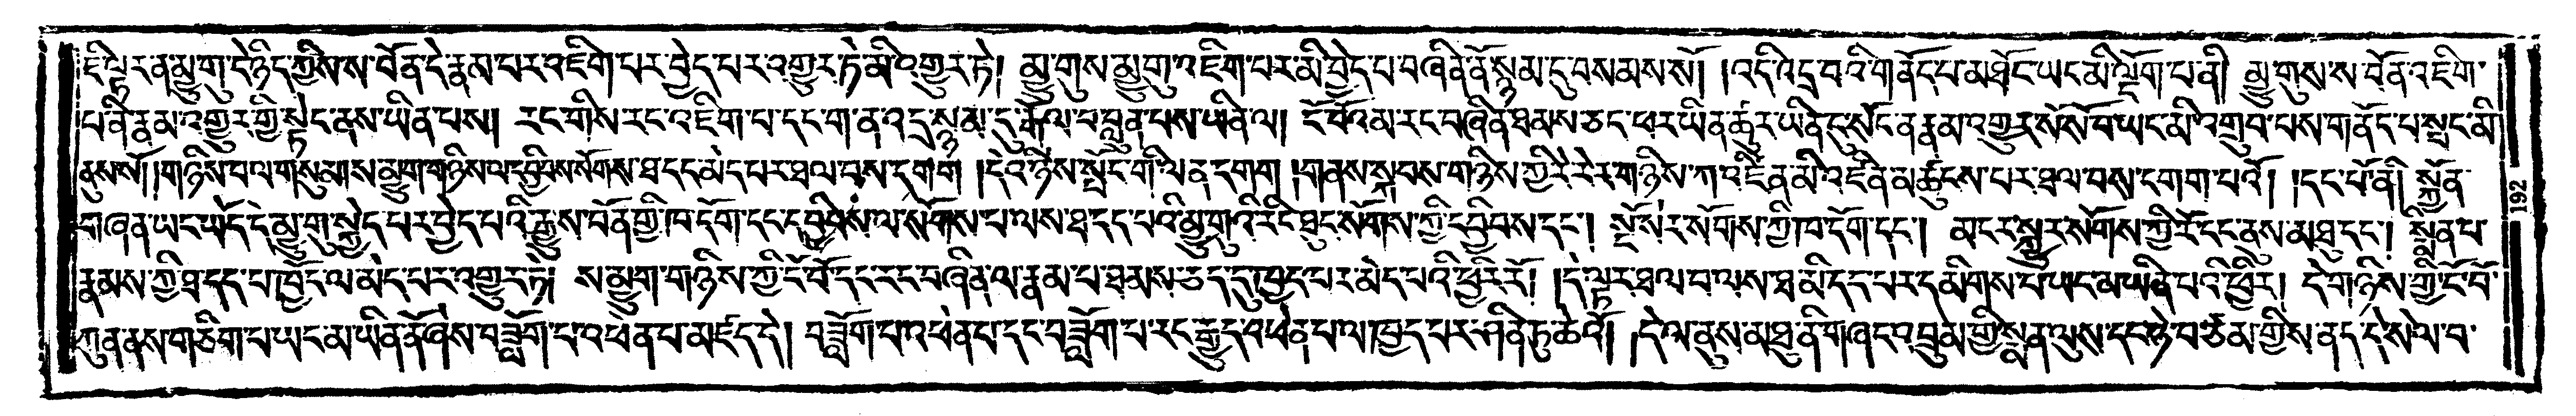ཇི་ལྟར་ན་མྱུ་གུ་དེ་ཉིད་ཀྱིས་ས་བོན་དེ་རྣམ་པར་འཇིག་པར་བྱེད་པར་འགྱུར་ཏེ་མི་འགྱུར་ཏེ། མྱུ་གུས་མྱུ་གུ་འཇིག་པར་མི་བྱེད་པ་བཞིན་ནོ་སྙམ་དུ་བསམས་སོ། །འདི་འདྲ་བའི་གནོད་པ་མཐོང་ཡང་མི་ལྡོག་པ་ནི། མྱུ་གུས་ས་བོན་འཇིག་
པ་ནི་རྣམ་འགྱུར་གྱི་སྟེང་ནས་ཡིན་པས། རང་གིས་རང་འཇིག་པ་དང་ག་ན་འདྲ་སྙམ་དུ་རྒོལ་བ་བླུན་པས་ཡིན་ལ། ངོ་བོའམ་རང་བཞིན་ཐམས་ཅད་ཕར་ཡིན་ཚུར་ཡིན་དུ་སོང་ན་རྣམ་འགྱུར་སོ་སོར་ཡང་མི་འགྲུབ་པས་གནོད་པ་སྤང་མི་
ནུས་སོ། །གཉིས་པ་ལ་གསུམ། ས་མྱུག་གཉིས་ལ་དབྱིབས་སོགས་ཐ་དད་མེད་པར་ཐལ་བས་དགག །དེའི་ཉེས་སྤོང་གི་ལན་དགག །གནས་སྐབས་གཉིས་ཀྱི་རེ་རེར་གཉིས་ཀ་འཛིན་མི་འཛིན་མཚུངས་པར་ཐལ་བས་དགག་པའོ། །དང་པོ་ནི། སྐྱོན་
གཞན་ཡང་ཡོད་དེ་མྱུ་གུ་སྐྱེད་པར་བྱེད་པའི་རྒྱུ་ས་བོན་གྱི་ཁ་དོག་དང་དབྱིབས་ལ་སོགས་པ་ལས་ཐ་དད་པའི་མྱུ་གུའི་རིང་ཐུང་སོགས་ཀྱི་དབྱིབས་དང་། སྔོ་སེར་སོགས་ཀྱི་ཁ་དོག་དང་། མངར་སྐྱུར་སོགས་ཀྱི་རོ་དང་ནུས་མཐུ་དང་། སྨིན་པ་
རྣམས་ཀྱི་ཐ་དད་པ་ཁྱོད་ལ་མེད་པར་འགྱུར་ཏེ། ས་མྱུག་གཉིས་ཀྱི་ངོ་བོ་དང་རང་བཞིན་ལ་རྣམ་པ་ཐམས་ཅད་དུ་ཁྱད་པར་མེད་པའི་ཕྱིར་རོ། །དེ་ལྟར་ཐལ་བ་ལས་ཐ་མི་དད་པར་དམིགས་པ་ཡང་མ་ཡིན་པའི་ཕྱིར། དེ་གཉིས་གྱི་ངོ་བོ་
ཀུན་ནས་གཅིག་པ་ཡང་མ་ཡིན་ནོ་ཞེས་བཟློག་པ་འཕེན་པ་མཛད་དེ། བཟློག་པ་འཕེན་པ་དང་བཟློག་པ་རང་རྒྱུད་འཕེན་པ་ལ་ཁྱད་པར་ཤིན་ཏུ་ཆེའོ། །དེ་ལ་ནུས་མཐུ་ནི་གཞང་འབྲུམ་གྱི་སྨན་ལུས་དང་ཉེ་བ་ཙམ་གྱིས་ནད་དེ་སེལ་བ་